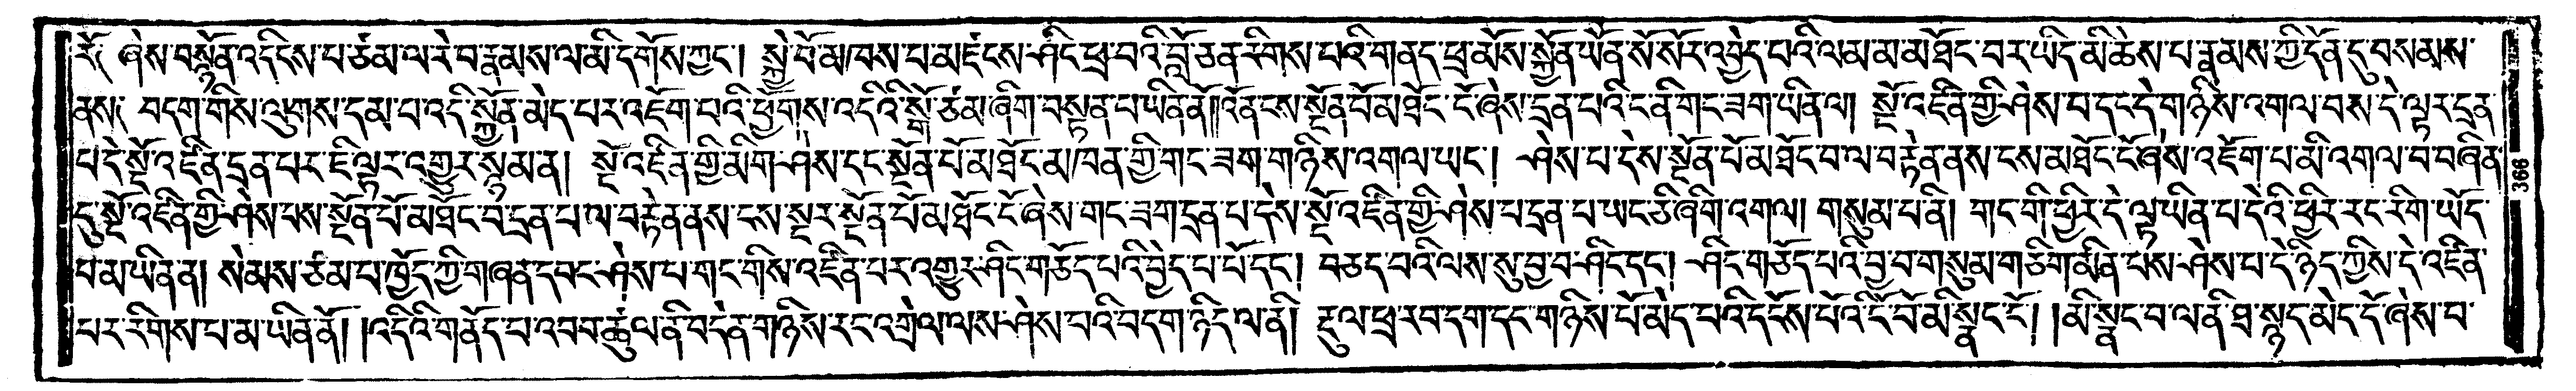རོ༑ ཞེས་བསྙོན་འདིངས་པ་ཙམ་ལ་རེ་བ་རྣམས་ལ་མི་དགོས་ཀྱང་། སྐྱེ་བོ་མཁས་པ་མཛངས་ཤིང་ཕྲ་བའི་བློ་ཅན་རིགས་པའི་གནད་ཕྲ་མོས་སྐྱོན་ཡོན་སོ་སོར་འབྱེད་པའི་ལམ་མ་མཐོང་བར་ཡིད་མི་ཆེས་པ་རྣམས་ཀྱི་དོན་དུ་བསམས་
ནས༑ བདག་གིས་ལུགས་དམ་པ་འདི་སྐྱོན་མེད་པར་འཇོག་པའི་ཕྱོགས་འདིའི་སྒོ་ཙམ་ཞིག་བསྟན་པ་ཡིན་ནོ། །འོ་ན་ངས་སྔོན་པོ་མཐོང་ངོ་ཞེས་དྲན་པའི་ང་ནི་གང་ཟག་ཡིན་ལ། སྔོ་འཛིན་གྱི་ཤེས་པ་དང་དེ་གཉིས་འགལ་བས་དེ་ལྟར་དྲན་
པ་དེ་སྔོ་འཛིན་དྲན་པར་ཇི་ལྟར་འགྱུར་སྙམ་ན། སྔོ་འཛིན་གྱི་མིག་ཤེས་དང་སྔོན་པོ་མཐོང་མཁན་གྱི་གང་ཟག་གཉིས་འགལ་ཡང་། ཤེས་པ་དེས་སྔོན་པོ་མཐོང་བ་ལ་བརྟེན་ནས་ངས་མཐོང་ངོ་ཞེས་འཇོག་པ་མི་འགལ་བ་བཞིན་
དུ་སྔོ་འཛིན་གྱི་ཤེས་པས་སྔོན་པོ་མཐོང་བ་དྲན་པ་ལ་བརྟེན་ནས་ངས་སྔར་སྔོན་པོ་མཐོང་ངོ་ཞེས་གང་ཟག་དྲན་པ་དེས་སྔོ་འཛིན་གྱི་ཤེས་པ་དྲན་པ་ཡང་ཅི་ཞིག་འགལ། གསུམ་པ་ནི། གང་གི་ཕྱིར་དེ་ལྟ་ཡིན་པ་དེའི་ཕྱིར་རང་རིག་ཡོད་
པ་མ་ཡིན་ན། སེམས་ཙམ་པ་ཁྱོད་ཀྱི་གཞན་དབང་ཤེས་པ་གང་གིས་འཛིན་པར་འགྱུར་ཤིང་གཅོད་པའི་བྱེད་པ་པོ་དང་། བཅད་པའི་ལས་སུ་བྱ་བ་ཤིང་དང་། ཤིང་གཅོད་པའི་བྱ་བ་གསུམ་གཅིག་མིན་པས་ཤེས་པ་དེ་ཉིད་ཀྱིས་དེ་འཛིན་
པར་རིགས་པ་མ་ཡིན་ནོ། །འདིའི་གནོད་པ་འབབ་ཚུལ་ནི་བདེན་གཉིས་རང་འགྲེལ་ལས་ཤེས་པའི་བདག་ཉིད་ལ་ནི། རྡུལ་ཕྲ་རབ་དག་དང་གཉིས་པོ་མེད་པའི་དངོས་པོའི་ངོ་བོ་མི་སྣང་ངོ། །མི་སྣང་བ་ལ་ནི་ཐ་སྙད་མེད་དོ་ཞེས་པ་